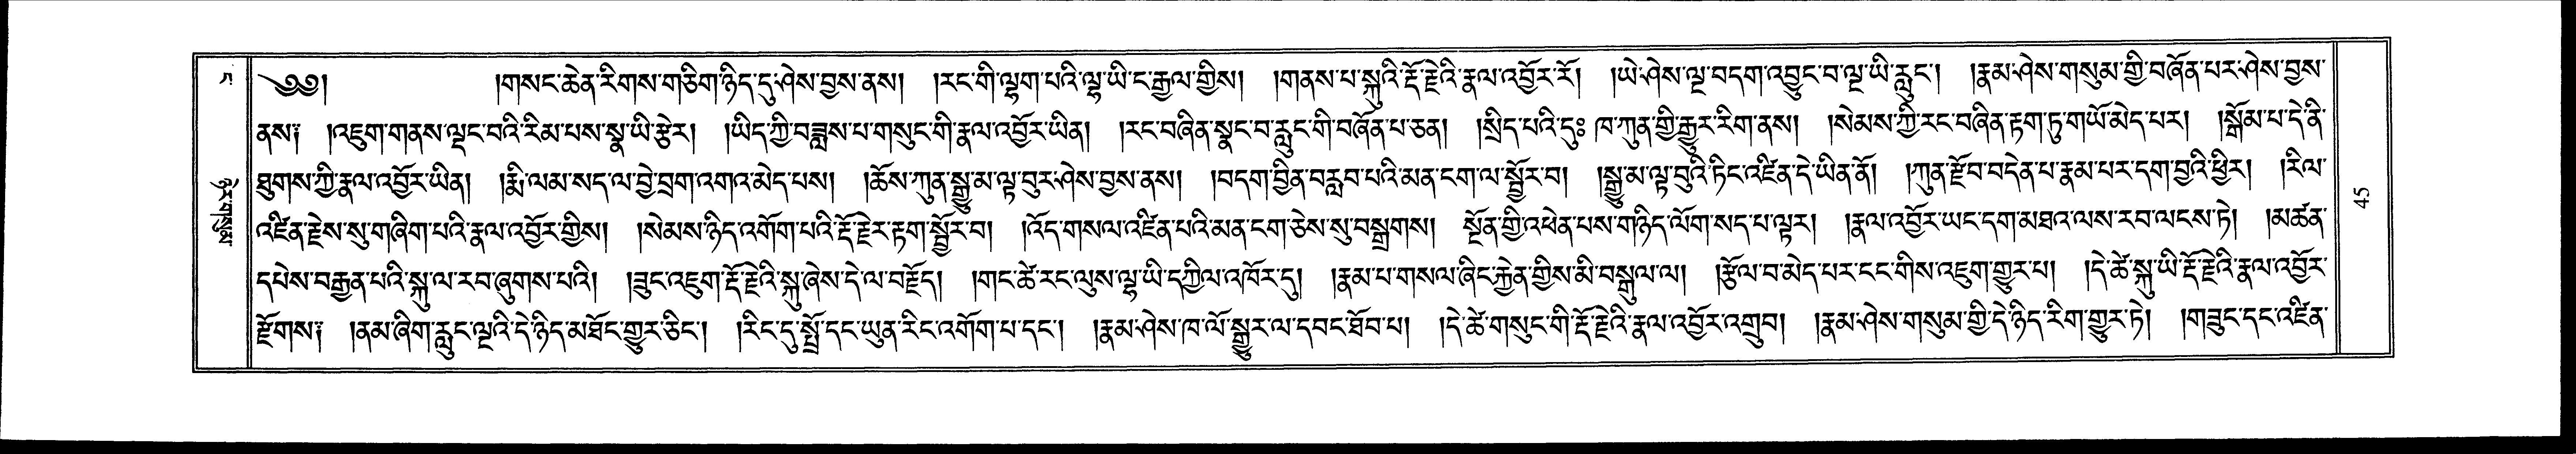༄༅། །གསང་ཆེན་རིགས་གཅིག་ཉིད་དུ་ཤེས་བྱས་ནས། །རང་གི་ལྷག་པའི་ལྷ་ཡི་ང་རྒྱལ་གྱིས། །གནས་པ་སྐུའི་རྡོ་རྗེའི་རྣལ་འབྱོར་རོ། །ཡེ་ཤེས་ལྔ་བདག་འབྱུང་བ་ལྔ་ཡི་རླུང་། །རྣམ་ཤེས་གསུམ་གྱི་བཞོན་པར་ཤེས་བྱས་
ནས། །འཇུག་གནས་ལྡང་བའི་རིམ་པས་སྣ་ཡི་རྩེར། །ཡིད་ཀྱི་བཟླས་པ་གསུང་གི་རྣལ་འབྱོར་ཡིན། །རང་བཞིན་སྣང་བ་རླུང་གི་བཞོན་པ་ཅན། །སྲིད་པའི་དུཿ ཁ་ཀུན་གྱི་རྒྱུར་རིག་ནས། །སེམས་ཀྱི་རང་བཞིན་རྟག་ཏུ་གཡོ་མེད་པར། །སྒོམ་པ་དེ་ནི་
ཐུགས་ཀྱི་རྣལ་འབྱོར་ཡིན། །རྨི་ལམ་སད་ལ་བྱེ་བྲག་འགའ་མེད་པས། །ཆོས་ཀུན་སྒྱུ་མ་ལྟ་བུར་ཤེས་བྱས་ནས། །བདག་བྱིན་བརླབ་པའི་མན་ངག་ལ་སྦྱོར་བ། །སྒྱུ་མ་ལྟ་བུའི་ཏིང་འཛིན་དེ་ཡིན་ནོ། །ཀུན་རྫོབ་བདེན་པ་རྣམ་པར་དག་བྱའི་ཕྱིར། །རིལ་
འཛིན་རྗེས་སུ་གཞིག་པའི་རྣལ་འབྱོར་གྱིས། །སེམས་ཉིད་འགོག་པའི་རྡོ་རྗེར་རྟག་སྦྱོར་བ། །འོད་གསལ་འཛིན་པའི་མན་ངག་ཅེས་སུ་བསྒྲགས། སྔོན་གྱི་འཕེན་པས་གཉིད་ལོག་སད་པ་ལྟར། །རྣལ་འབྱོར་ཡང་དག་མཐའ་ལས་རབ་ལངས་ཏེ། །མཚན་
དཔེས་བརྒྱན་པའི་སྐུ་ལ་རབ་ཞུགས་པའི། །ཟུང་འཇུག་རྡོ་རྗེའི་སྐུ་ཞེས་དེ་ལ་བརྗོད། །གང་ཚེ་རང་ལུས་ལྷ་ཡི་དཀྱིལ་འཁོར་དུ། །རྣམ་པ་གསལ་ཞིང་རྐྱེན་གྱིས་མི་བསྒུལ་ལ། །རྩོལ་བ་མེད་པར་ངང་གིས་འཇུག་གྱུར་པ། །དེ་ཚེ་སྐུ་ཡི་རྡོ་རྗེའི་རྣལ་འབྱོར་
རྫོགས། །ནམ་ཞིག་རླུང་ལྔའི་དེ་ཉིད་མཐོང་གྱུར་ཅིང་། །རིང་དུ་སྤྲོ་དང་ཡུན་རིང་འགོག་པ་དང་། །རྣམ་ཤེས་ཁ་ལོ་སྒྱུར་ལ་དབང་ཐོབ་པ། །དེ་ཚེ་གསུང་གི་རྡོ་རྗེའི་རྣལ་འབྱོར་འགྲུབ། །རྣམ་ཤེས་གསུམ་གྱི་དེ་ཉིད་རིག་གྱུར་ཏེ། །གཟུང་དང་འཛིན་